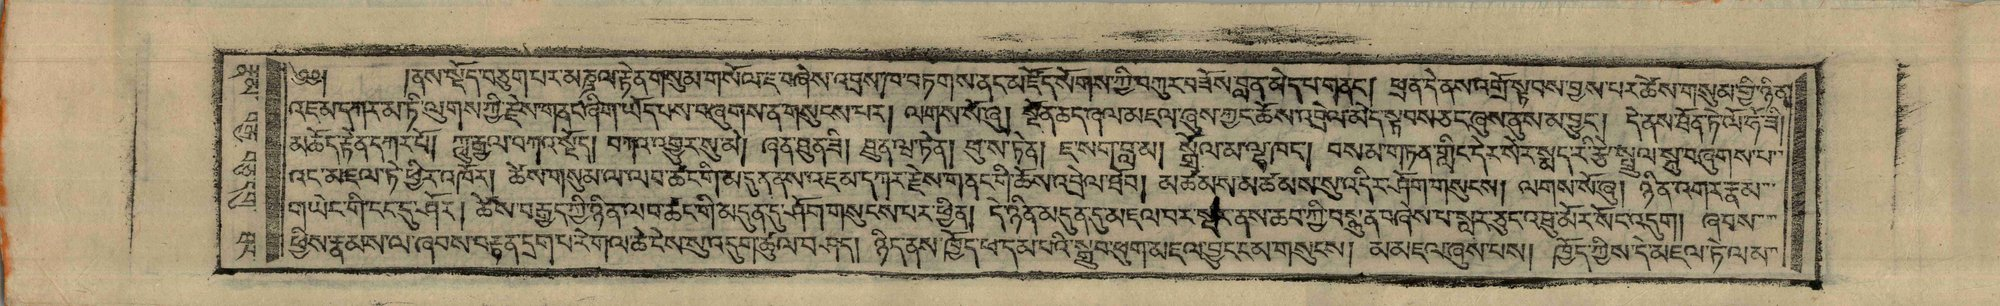༄༅། །ནས་སྡོད་བཅུག་པར་མཎྜལ་རྟེན་གསུམ་གསོལ་ཇ་བཞེས་འབྲས་ཁ་བཏགས་ནང་མཛོད་སོགས་ཀྱི་བཀུར་བཟོས་བླ་ན་མེད་པ་གནང་། ཕྲན་དེ་ནས་འགྲོ་སྟབས་བྱས་པར་ཚེས་གསུམ་གྱི་ཉིན་
འཇམ་དཀར་མ་ཏི་ལུགས་ཀྱི་རྗེས་གནང་ཞིག་ཡོད་པས་བཞུགས་ན་གསུངས་པར། ལགས་སོ་ཞུ། སྔོན་ཆད་ཞལ་མཇལ་ཞུས་ཀྱང་ཆོས་འབྲེལ་མེད་སྟབས་ཅང་ཞུས་ནུས་མ་བྱུང་། དེ་ནས་ཐོན་ཏེ་ལོ་ཧོ་ཟི།
མཆོད་རྟེན་དཀར་པོ། ཀླུ་རྒྱལ་བཀའ་སྡོད། བཀའ་འགྱུར་སུ་མེ། ཞན་ཐུན་ཟི། ཐུན་ཝ་ཏེན། ཕུ་ས་ཏེན། ཇ་སག་བླ་མ། སྒྲོལ་མ་ལྷ་ཁང་། བསམ་གཏན་གླིང་དེར་སེར་སྨད་རི་རྩེ་སྤྲུལ་སྐུ་བཞུགས་པ་
འང་མཇལ་ཏེ་ཕྱིར་འཁོར། ཚེས་གསུམ་ལ་ལབ་ཚང་གི་མདུན་ནས་འཇམ་དཀར་རྗེས་གནང་གི་ཆོས་འབྲེལ་ཐོབ། མཚམས་མཚམས་སུ་འདིར་ཤོག་གསུངས། ལགས་སོ་ཞུ། ཉིན་འགར་རྣམ་
གཡེང་གི་ངང་དུ་ཤོར། ཚེས་བརྒྱད་ཀྱི་ཉིན་ལབ་ཚང་གི་མདུན་དུ་ཤོག་གསུངས་པར་ཕྱིན། དེ་ཉིན་མདུན་དུ་མཇལ་བར་སྔར་ནས་ཆབ་ཀྱི་བསྙུན་བཞེས་པ་སླར་ཅུང་འཐུ་མོར་སོང་འདུག །ཞབས་
ཕྱིས་རྣམས་ལ་ཞབས་བརྟན་དྲག་པ་རེ་གལ་ཆེ་ངེས་སུ་འདུག་ཚུལ་བཤད། ཉིད་ནས་ཁྱོད་ཕ་དམ་པའི་སྒྲུབ་ཕུག་མཇལ་བྱུང་ངམ་གསུངས། མ་མཇལ་ཞུས་པས། ཁྱོད་ཀྱིས་དེ་མཇལ་ཏེ་ལམ་